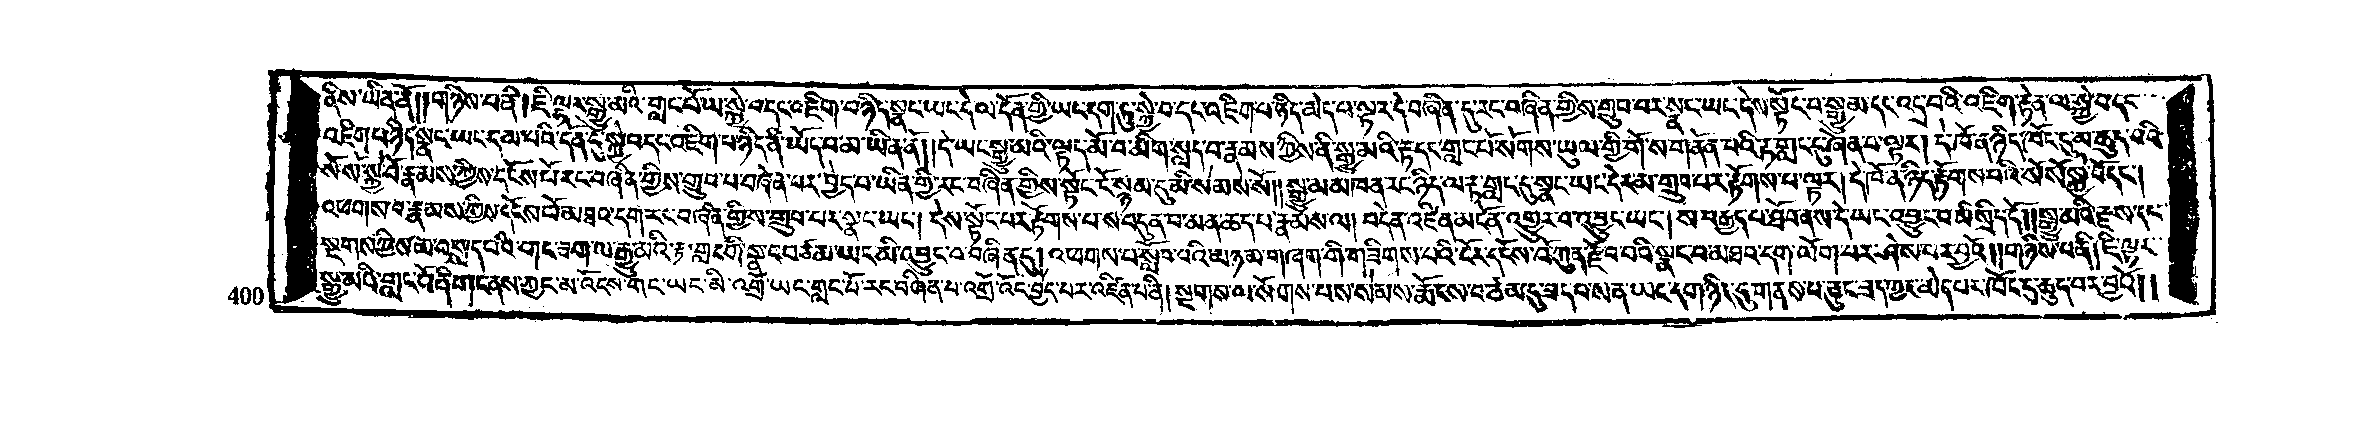ནི་མ་ཡིན་ནོ། །གཉིས་པ་ནི། ཇི་ལྟར་སྒྱུ་མའི་གླང་པོ་ཡ་སྐྱེ་བ་དང་འཇིག་པ་ཉིད་སྣང་ཡང་དེ་ལ་དོན་གྱི་ཡང་དག་ཏུ་སྐྱེ་བ་དང་འཇིག་པ་ཉིད་མེད་པ་ལྟར་དེ་བཞིན་དུ་རང་བཞིན་གྱིས་གྲུབ་པར་སྣང་ཡང་དེས་སྟོང་པ་སྒྱུ་མ་དང་འདྲ་བའི་འཇིག་རྟེན་ལ་སྐྱེ་བ་དང་
འཇིག་པ་ཉིད་སྣང་ཡང་དམ་པའི་དོན་དུ་སྐྱེ་བ་དང་འཇིག་པ་ཉིད་ནི་ཡོད་པ་མ་ཡིན་ནོ། །དེ་ཡང་སྒྱུ་མའི་ལྟད་མོ་བ་མིག་སླད་པ་རྣམས་ཀྱིས་ནི་སྒྱུ་མའི་རྟ་དང་གླང་པོ་སོགས་ཡུལ་གྱི་གོ་ས་གནོན་པའི་རྟ་གླང་དུ་ཞེན་པ་ལྟར། དེ་ཁོ་ན་ཉིད་ཁོང་དུ་མ་ཆུད་པའི་
སོ་སོ་སྐྱེ་བོ་རྣམས་ཀྱིས་དངོས་པོ་རང་བཞིན་གྱིས་གྲུབ་པ་བཞིན་པར་བྱེད་པ་ཡིན་གྱི་རང་བཞིན་གྱིས་སྟོང་ངོ་སྙམ་དུ་མི་སེམས་སོ། །སྒྱུ་མ་མཁན་རང་ཉིད་ལ་རྟ་གླང་དུ་སྣང་ཡང་དེར་མ་གྲུབ་པར་རྟོགས་པ་ལྟར། དེ་ཁོ་ན་ཉིད་རྟོགས་པའི་སོ་སོ་སྐྱེ་བོ་དང་།
འཕགས་པ་རྣམས་ཀྱིས་དངོས་པོ་མཐའ་དག་རང་བཞིན་གྱིས་གྲུབ་པར་སྣང་ཡང་། དེས་སྟོང་པར་རྟོགས་པ་ས་བདུན་པ་མན་ཆད་པ་རྣམས་ལ། བདེན་འཛིན་མངོན་འགྱུར་བ་འབྱུང་ཡང་། ས་བརྒྱད་པ་ཐོབ་ནས་དེ་ཡང་འབྱུང་བ་མི་སྲིད་དོ། །སྒྱུ་མའི་རྫས་དང་སྔགས་ཀྱིས་མ་བསླད་པའི་གང་ཟག་ལ་རྒྱུ་མའི་རྟ་གླང་གི་སྣང་བ་ཙམ་ཡང་མི་འབྱུང་བ་བཞིན་དུ། འཕགས་པ་སློབ་པའི་མཉམ་གཞག་གི་གཟིགས་པའི་ངོར་དངོས་པོ་ཀུན་རྫོབ་པའི་སྣང་བ་མཐའ་དག་ལོག་པར་ཤེས་པར་བྱའོ། །གཉིས་པ་ནི། ཇི་ལྟར་
སྒྱུ་མའི་གླང་པོ་ནི་གང་ནས་ཀྱང་མ་འོངས་གང་ཡང་མི་འགྲོ་ཡང་གླང་པོ་རང་བཞིན་པ་འགྲོ་འོང་བྱེད་པར་འཛིན་པ་ནི། སྔགས་ལ་སོགས་པས་སེམས་རྨོངས་པ་ཙམ་དུ་ཟད་པ་སན་ཡང་དག་ཉིད་དུ་གནས་པ་ཅུང་ཟད་ཀྱང་མེད་པར་ཁོང་དུ་ཆུད་པར་བྱའོ། །